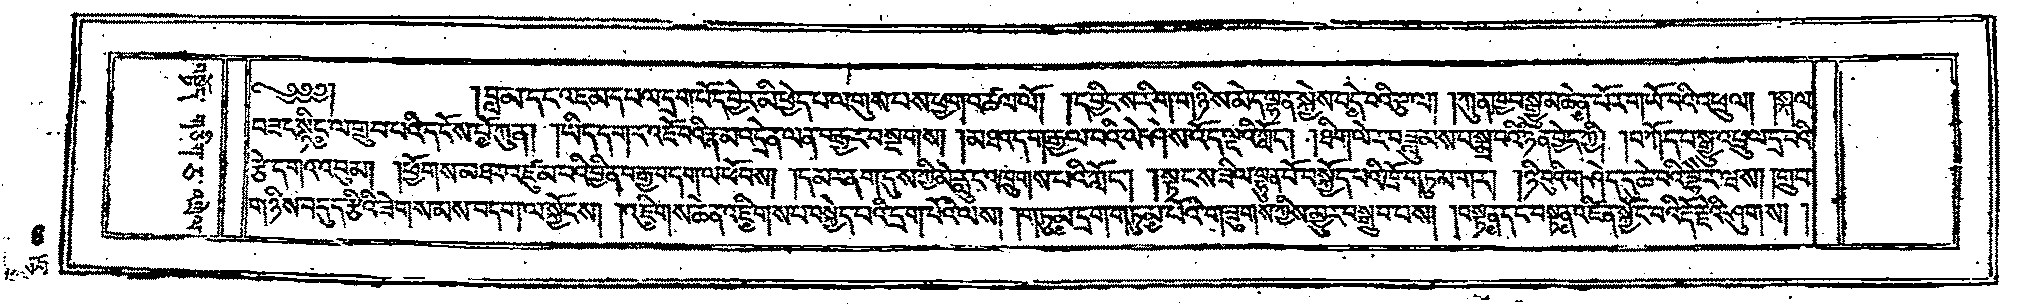༄༅༅། །བླ་མ་དང་འཇམ་དཔལ་དྲག་པོ་དབྱེར་མི་ཕྱེད་པ་ལ་གུས་པས་ཕྱག་འཚལ་ལོ། །དབྱིངས་རིག་གཉིས་མེད་ལྷན་སྐྱེས་བདེ་བའི་རྩལ། །ཀུན་ཁྱབ་སྒྱུ་མ་ཆེན་པོར་གཡོ་བའི་འཕྲུལ། །སྐལ་
བཟང་སྙིང་ལ་གྲུབ་པའི་དངོས་པོ་ཀུན། །ཡིད་དགར་འཇོ་བའི་རྣམ་འདྲེན་ལན་བརྒྱར་བསྔགས། །མཐའ་དག་རྒྱལ་བའི་ཡེ་ཤེས་འོད་ལྔའི་ཀློང་། །ཐིག་ལེར་བཟླུམས་པ་སྨྲ་བའི་ཉིན་བྱེད་ཀྱི། །བཀོད་པ་སྒྱུ་འཕྲུལ་དྲ་བའི་
རྩེ་དགའ་འབུམ། །ཕྱོགས་མཐར་འཛུམ་པའི་བྱིན་བརྒྱ་བདག་ལ་ཕོབས། །དམར་ནག་དུས་ཀྱི་མེ་རླུང་འཁྲུགས་པའི་ཀློང་། །སྟངས་ཟིལ་ལྷུན་པོ་བསྐྱོད་པའི་ཁྲོ་གཏུམ་གར། །ཉི་བུའི་གཤེད་དུ་ཆེ་བའི་བྷཻ་ར་ཝས། །གྲུབ་
གཉིས་བདུད་རྩིའི་ཟེགས་མས་བདག་ལ་སྐྱོངས། །འཇིགས་ཆེན་འཇིགས་པ་བསྐྱེད་པའི་དྲག་པོའི་ལས། །གཏུམ་དྲག་གཏུམ་པོའི་གཟུགས་ཀྱིས་མྱུར་བསྒྲུབ་པས། །བསྟན་དང་བསྟན་འཛིན་སྐྱོང་བའི་རྡོ་རྗེའི་ཤུགས། །